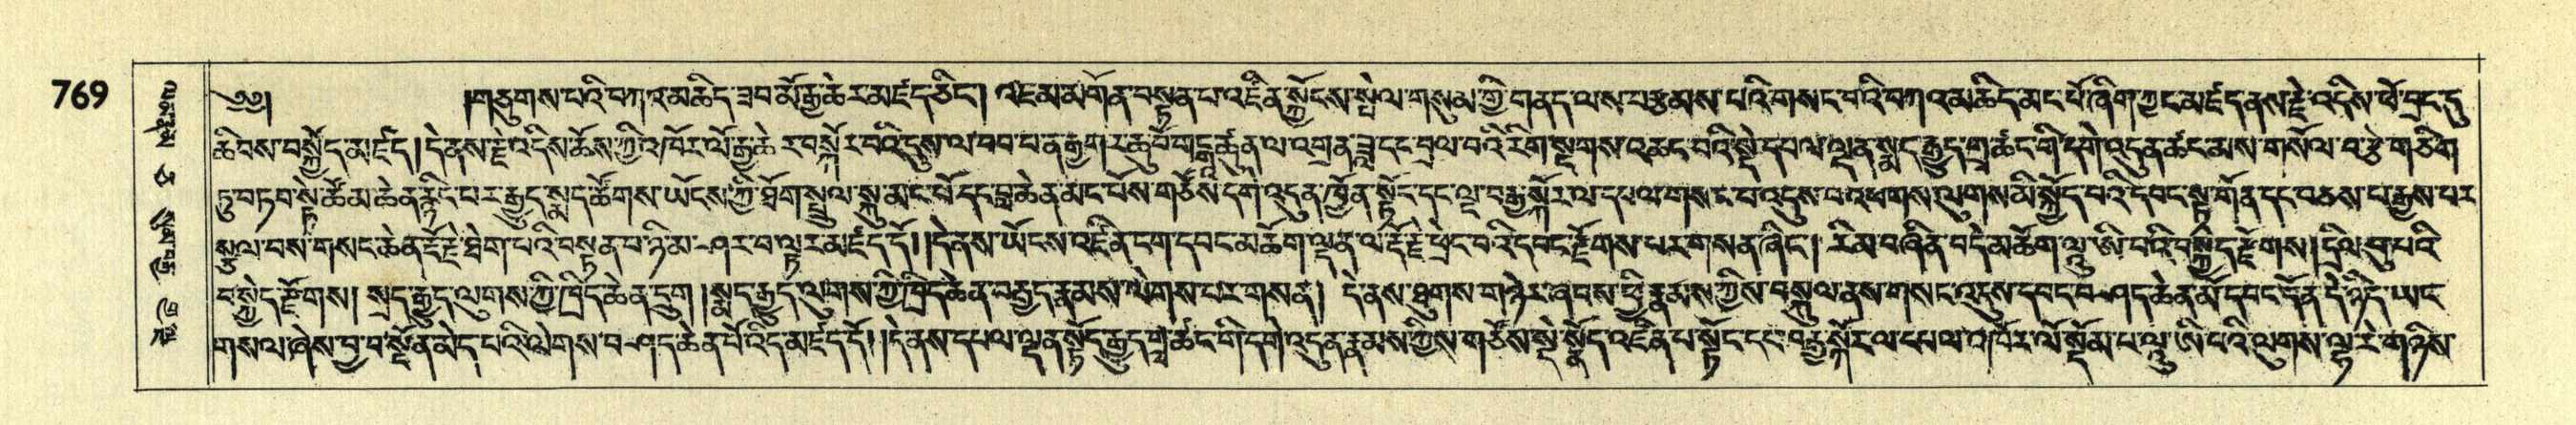༄༅། །གཅུགས་པའི་བཀའ་མཆིད་ཟབ་མོ་རྒྱ་ཆེར་མཛད་ཅིང་། འཇམ་མགོན་བསྟན་པ་འཛིན་སྐྱོངས་སྤེལ་གསུམ་གྱི་གནད་ལས་བཙམས་པའི་གསང་བའི་བཀའ་མཆིད་མང་པོ་ཞིག་ཀྱང་མཛད་ནས་རྗེ་འདིས་ཕོ་བྲང་དུ་
ཆིབས་བསྐྱོད་མཛད། དེ་ནས་རྗེ་འདིས་ཆོས་ཀྱི་འཁོར་ལོ་རྒྱ་ཆེར་བསྐོར་བའི་དུས་ལ་བབ་པ་ན་རྒྱ་གར་ཆུ་བོ་གངྒཱ་ཚུན་ལ་འགྲན་ཟླ་དང་བྲལ་བའི་རིག་སྔགས་འཆད་བའི་སྡེ་དཔལ་ལྡན་སྨད་རྒྱུད་གྲྭ་ཚང་གི་དགེ་འདུན་ཚང་མས་གསོལ་བ་རྩེ་གཅིག་
ཏུ་བཏབ་སྟེ་ཚོམ་ཆེན་རྙིང་པར་རྒྱུད་སྨད་ཚོགས་ཡོངས་ཀྱི་ཐོག་སྤྲུལ་སྐུ་མང་པོ་དང་བླ་ཆེན་མང་པོས་གཙོས་དགེ་འདུན་ཁྱོན་སྟོང་དང་ལྔ་བརྒྱ་སྐོར་ལ་དཔལ་གསང་བ་འདུས་པ་འཕགས་ལུགས་མི་སྐྱོད་པའི་དབང་སྟ་གོན་དང་བཅས་པ་རྒྱས་པར་
སྩལ་བས་གསང་ཆེན་རྡོ་རྗེ་ཐེག་པའི་བསྟན་པ་ཉི་མ་ཤར་བ་ལྟར་མཛད་དོ། །དེ་ནས་ཡོངས་འཛིན་གནག་དབང་མཆོག་ལྡན་ལ་རྡོ་རྗེ་ཕྲེང་བའི་དབང་རྫོགས་པར་གསན་ཞིང་། རིམ་བཞིན་བདེ་མཆོག་ལཱུ་ཨི་པའི་བསྐྱེད་རྫོགས། དྲིལ་བུ་པའི་
བསྐྱེད་རྫོགས། སྲད་རྒྱུད་ལུགས་ཀྱི་ཁྲིད་ཆེན་དྲུག །སྨད་རྒྱུད་ལུགས་ཀྱི་ཁྲིད་ཆེན་བརྒྱད་རྣམས་ལེགས་པར་གསན། དེ་ནས་ཐུགས་གཉེར་ཞབས་ཕྱི་རྣམས་ཀྱིས་བསྐུལ་ནས་གསང་འདུས་དབང་བཤད་ཆེན་མོ་དབང་དོན་དེ་ཉིད་ཡང་
གསལ་ཞེས་བྱ་བ་སྔོན་མེད་པའི་ལེགས་བཤད་ཆེན་པོ་འདི་མཛད་དོ། །དེ་ནས་དཔལ་ལྡན་སྟོང་རྒྱུད་གྲྭ་ཚང་གི་དགེ་འདུན་རྣམས་ཀྱིས་གཙོས་སྡེ་སྣོད་འཛིན་པ་སྟོང་དང་བརྒྱ་སྐོར་ལ་དཔལ་འཁོར་ལོ་སྡོམ་པ་ལཱུ་ཨི་པའི་ལུགས་ལྷ་རེ་གཉིས་